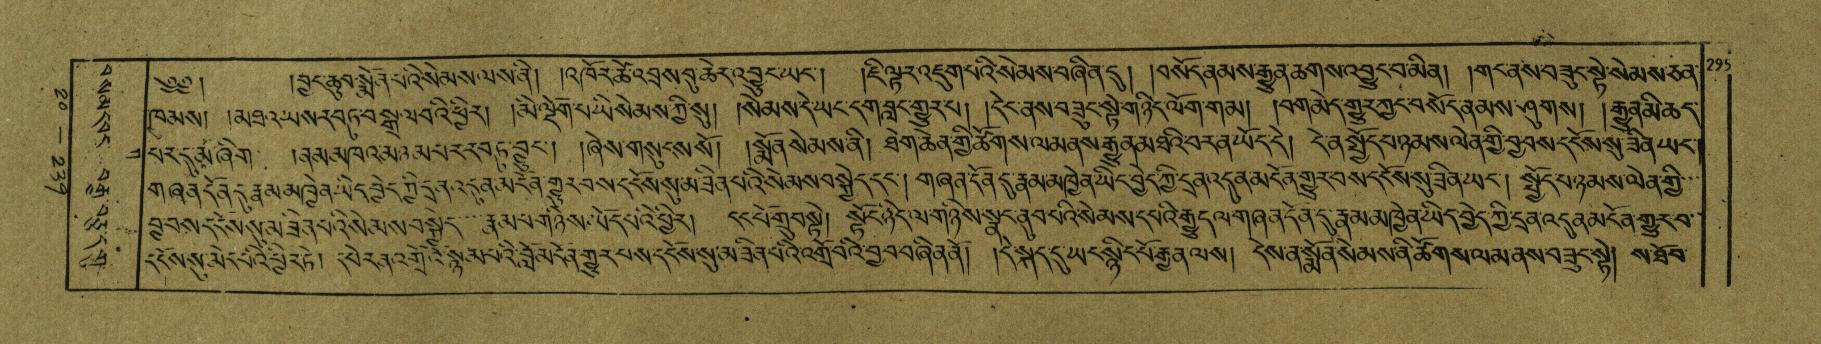༄༅། །བྱང་ཆུབ་སྨོན་པའི་སེམས་ལས་ནི། །འཁོར་ཚེ་འབྲས་བུ་ཆེར་འབྱུང་ཡང་། །ཇི་ལྟར་འཇུག་པའི་སེམས་བཞིན་དུ། །བསོད་ནམས་རྒྱུན་ཆགས་འབྱུང་བ་མིན། །གང་ནས་བཟུང་སྟེ་སེམས་ཅན་
ཁམས། །མཐའ་ཡས་རབ་ཏུ་བསྒྲལ་བའི་ཕྱིར། །མི་ལྡོག་པ་ཡི་སེམས་ཀྱི་སུ། །སེམས་དེ་ཡང་དག་བླང་གྱུར་པ། །དེང་ནས་བཟུང་སྟེ་གཉིད་ལོག་གམ། །བག་མེད་གྱུར་ཀྱང་བསོད་ནམས་ཤུགས། །རྒྱུན་མི་ཆད་
པར་དུ་མ་ཞིག །ནམ་མཁའ་མཉམ་པར་རབ་ཏུ་བྱུང་། །ཞེས་གསུངས་སོ། །སྨོན་སེམས་ནི། ཐེག་ཆེན་གྱི་ཚོགས་ལམ་ནས་རྒྱུན་མཐའི་བར་ན་ཡོད་དེ། དེ་ན་སྤྱོད་པ་ཉམས་ལེན་གྱི་བྱ་བས་དངོས་སུ་ཟིན་ཡང་།
གཞན་དོན་དུ་རྣམ་མཁྱེན་ཡིད་བྱེད་ཀྱི་དྲན་འདུན་མངོན་གྱུར་བས་དངོས་སུ་མ་ཟིན་པའི་སེམས་བསྐྱེད་དང་། གཞན་དོན་དུ་རྣམ་མཁྱེན་ཡིད་བྱེད་ཀྱི་དྲན་འདུན་མངོན་གྱུར་བས་དངོས་སུ་ཟིན་ཡང་། སྤྱོད་པ་ཉམས་ལེན་གྱི་
བྱ་བས་དངོས་སུ་མ་ཟིན་པའི་སེམས་བསྐྱེད་རྣམ་པ་གཉིས་ཡོད་པའི་ཕྱིར། དང་པོ་གྲུབ་སྟེ། སྟོང་ཉིད་ལ་གཉིས་སྣང་ནུབ་པའི་སེམས་དཔའི་རྒྱུད་ལ་གཞན་དོན་དུ་རྣམ་མཁྱེན་ཡིད་བྱེད་ཀྱི་དྲན་འདུན་མངོན་གྱུར་བ་
དངོས་སུ་མེད་པའི་ཕྱིར་ཏེ། དཔེར་ན་འགྲོའོ་སྙམ་པའི་བློ་མངོན་གྱུར་པས་དངོས་སུ་མ་ཟིན་པའི་འགྲོ་བའི་བྱ་བ་བཞིན་ནོ། །དེ་སྐད་དུ་ཡང་སྙིང་པོ་རྒྱན་ལས། དེས་ན་སྨོན་སེམས་ནི་ཚོགས་ལམ་ནས་བཟུང་སྟེ། ས་ཐོབ་